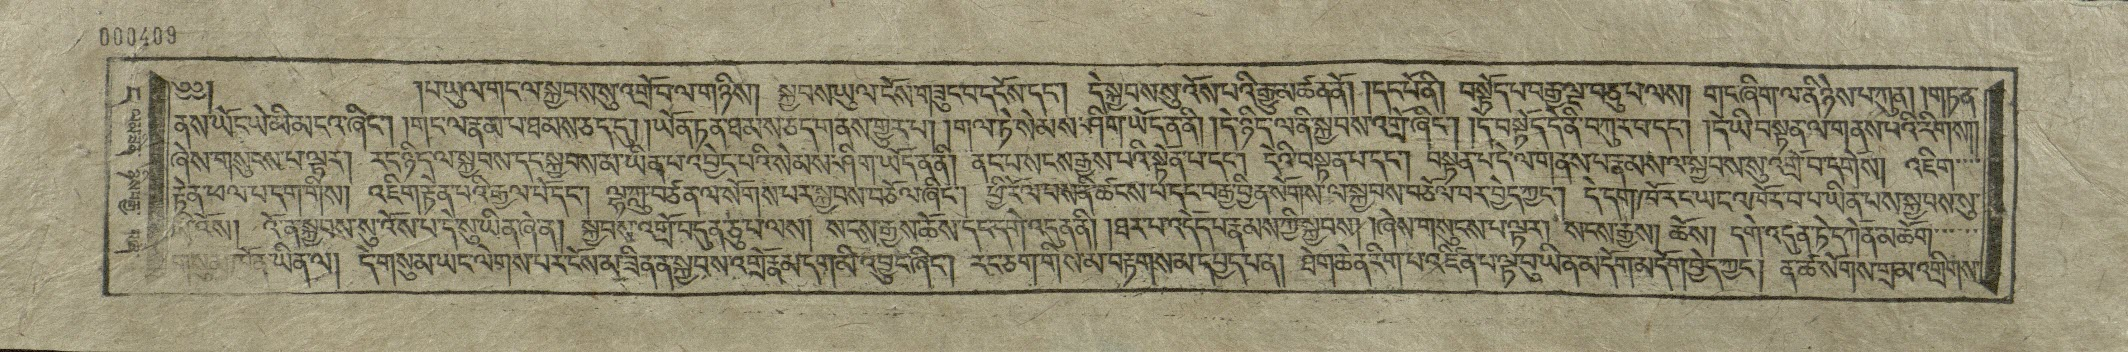༄༅། །པ་ཡུལ་གང་ལ་སྐྱབས་སུ་འགྲོ་བ་ལ་གཉིས། སྐྱབས་ཡུལ་ངོས་གཟུང་བ་དངོས་དང་། དེ་སྐྱབས་སུ་འོས་པའི་རྒྱུ་མཚན་ནོ། །དང་པོ་ནི། བསྟོད་པ་བརྒྱ་ལྔ་བཅུ་པ་ལས། གང་ཞིག་ལ་ནི་ཉེས་པ་ཀུན། །གཏན་
ནས་ཡོང་ཡེ་མི་མངའ་ཞིང་། །གང་ལ་རྣམ་པ་ཐམས་ཅད་དུ། །ཡོན་ཏན་ཐམས་ཅད་གནས་གྱུར་པ། །གལ་ཏེ་སེམས་ཤིག་ཡོད་ན་ནི། །དེ་ཉིད་ལ་ནི་སྐྱབས་འགྲོ་ཞིང་། །དེ་བསྟོད་དེ་ནི་བཀུར་བ་དང་། །དེ་ཡི་བསྟན་ལ་གནས་པའི་རིགས།།
ཞེས་གསུངས་པ་ལྟར། རང་ཉིད་ལ་སྐྱབས་དང་སྐྱབས་མ་ཡིན་པ་འབྱེད་པའི་སེམས་ཤིག་ཡོད་ན་ནི། ནང་པ་སངས་རྒྱས་པའི་སྟོན་པ་དང་། དེའི་བསྟན་པ་དང་། བསྟན་པ་དེ་ལ་གནས་པ་རྣམས་ལ་སྐྱབས་སུ་འགྲོ་བ་དགོས། འཇིག་
རྟེན་ཕལ་པ་དག་གིས། འཇིག་རྟེན་པའི་རྒྱལ་པོ་དང་། ལྷ་ཀླུ་བཙན་ལ་སོགས་པར་སྐྱབས་བཅོལ་ཞིང་། ཕྱི་རོལ་པས་ནི་ཚངས་པ་དང་བརྒྱ་བྱིན་སོགས་ལ་སྐྱབས་བཅོལ་བར་བྱེད་ཀྱང་། དེ་དག་ཁོ་རང་ཡང་འཁོར་བ་པ་ཡིན་པས་སྐྱབས་སུ་
མི་འོས། འོ་ན་སྐྱབས་སུ་འོས་པ་དེ་སུ་ཡིན་ཞེ་ན། སྐྱབས་འགྲོ་བདུན་ཅུ་པ་ལས། སངས་རྒྱས་ཆོས་དང་དགེ་འདུན་ནི། །ཐར་པ་འདོད་པ་རྣམས་ཀྱི་སྐྱབས། །ཞེས་གསུངས་པ་ལྟར། སངས་རྒྱས། ཆོས། དགེ་འདུན་ཏེ་དཀོན་མཆོག་
གསུམ་ཁོ་ན་ཡིན་ལ། དེ་གསུམ་ཡང་ལེགས་པར་ངོས་མ་ཟིན་ན་སྐྱབས་འགྲོ་རྣམ་དག་མི་འབྱུང་ཞིང་། རང་ཅག་གིས་མ་བརྟགས་མ་དཔྱད་པ་ན། ཐེག་ཆེན་རིག་པ་འཛིན་པ་ལྟ་བུ་ཡིན་མདོག་མདོག་བྱེད་ཀྱང་། ན་ཚ་སོགས་གྲ་མ་འགྲིགས་